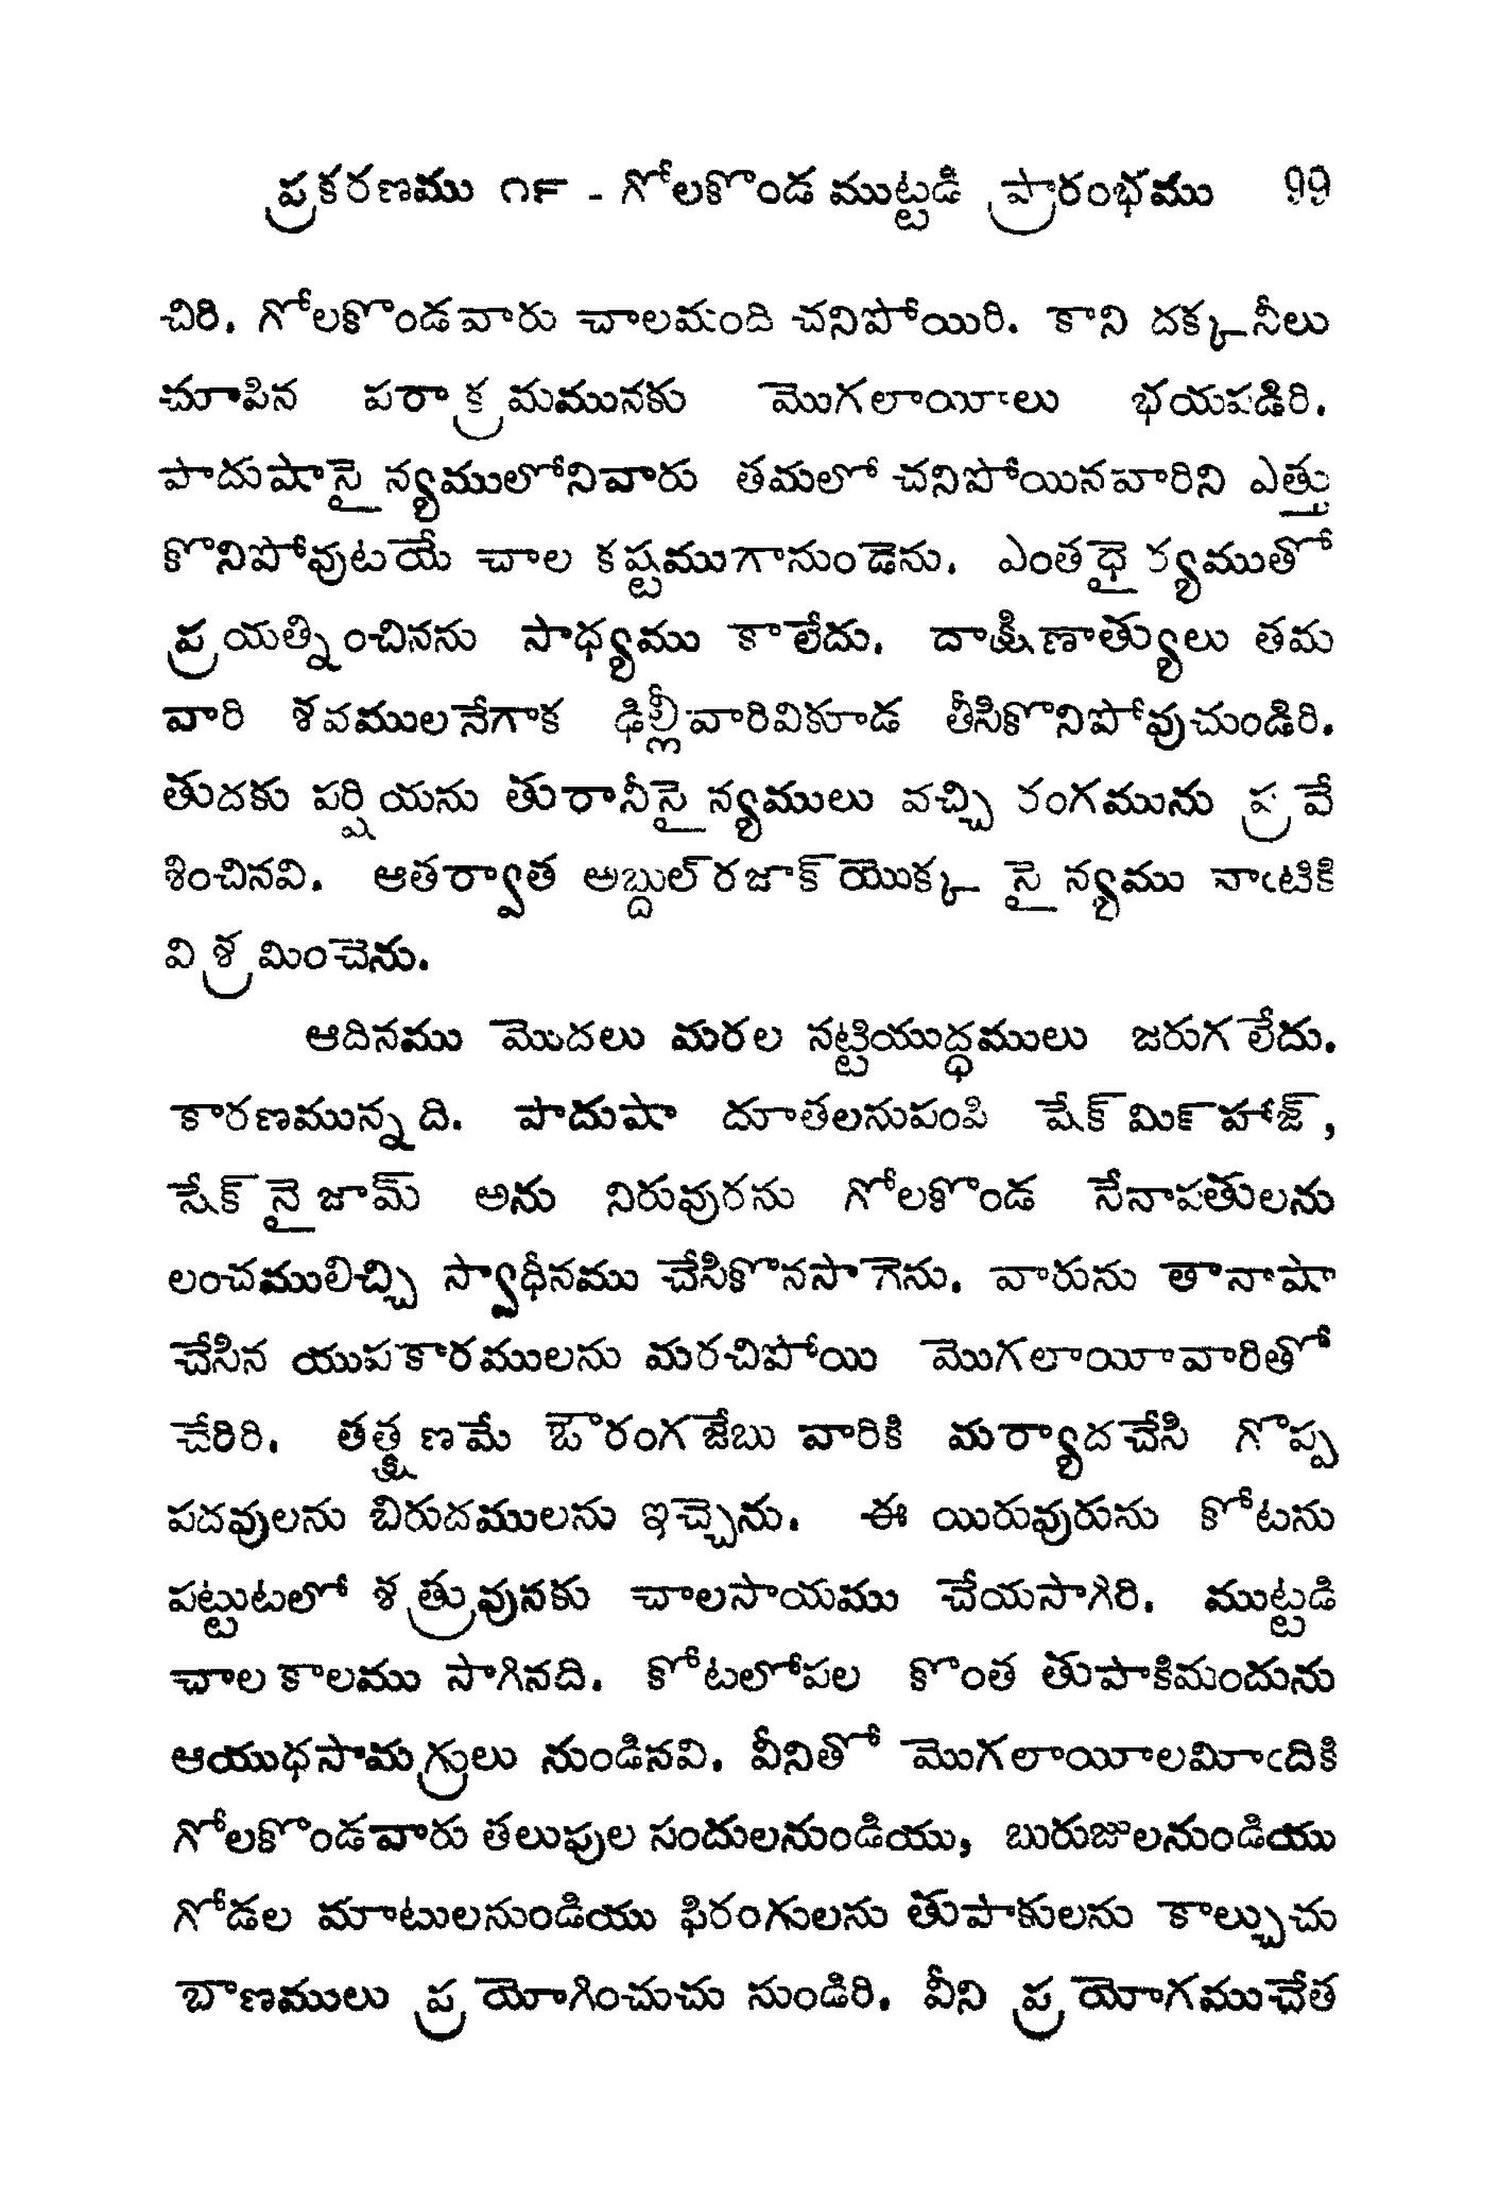చిరి. గోలకొండవారు చాలమంది చనిపోయిరి. కాని దక్కనీలు చూపిన పరాక్రమమునకు మొగలాయీలు భయపడిరి. పాదుషాసైన్యములోనివారు తమలో చనిపోయినవారిని ఎత్తుకొనిపోవుటయే చాల కష్టముగానుండెను. ఎంత ధైర్యముతో ప్రయత్నించినను సాధ్యము కాలేదు. దాక్షిణాత్యులు తమవారి శవములనేగాక ఢిల్లీవారివికూడ తీసికొనిపోవుచుండిరి. తుదకు పర్షియను తురానీసైన్యములు వచ్చి రంగమును ప్రవేశించినవి. ఆతర్వాత అబ్దుల్‌రజాక్‌యొక్క సైన్యము నాఁటికి విశ్రమించెను.

ఆదినము మొదలు మరల నట్టియుద్ధములు జరుగలేదు. కారణమున్నది. పాదుషా దూతలనుపంపి షేక్‌మిౝహాజ్, షేక్‌నైజామ్ అను నిరువురను గోలకొండ సేనాపతులను లంచములిచ్చి స్వాధీనము చేసికొనసాగెను. వారును తానాషా చేసిన యుపకారములను మరచిపోయి మొగలాయీవారితో చేరిరి. తత్క్షణమే ఔరంగజేబు వారికి మర్యాదచేసి గొప్ప పదవులను బిరుదములను ఇచ్చెను. ఈ యిరువురును కోటను పట్టుటలో శత్రువునకు చాలసాయము చేయసాగిరి. ముట్టడి చాల కాలము సాగినది. కోటలోపల కొంత తుపాకిమందును ఆయుధసామగ్రులు నుండినవి. వీనితో మొగలాయీలమీఁదికి గోలకొండవారు తలుపుల సందులనుండియు, బురుజలనుండియు గోడల మాటులనుండియు ఫిరంగులను తుపాకులను కాల్చుచు బాణములు ప్రయోగించుచు నుండిరి. వీని ప్రయోగముచేత